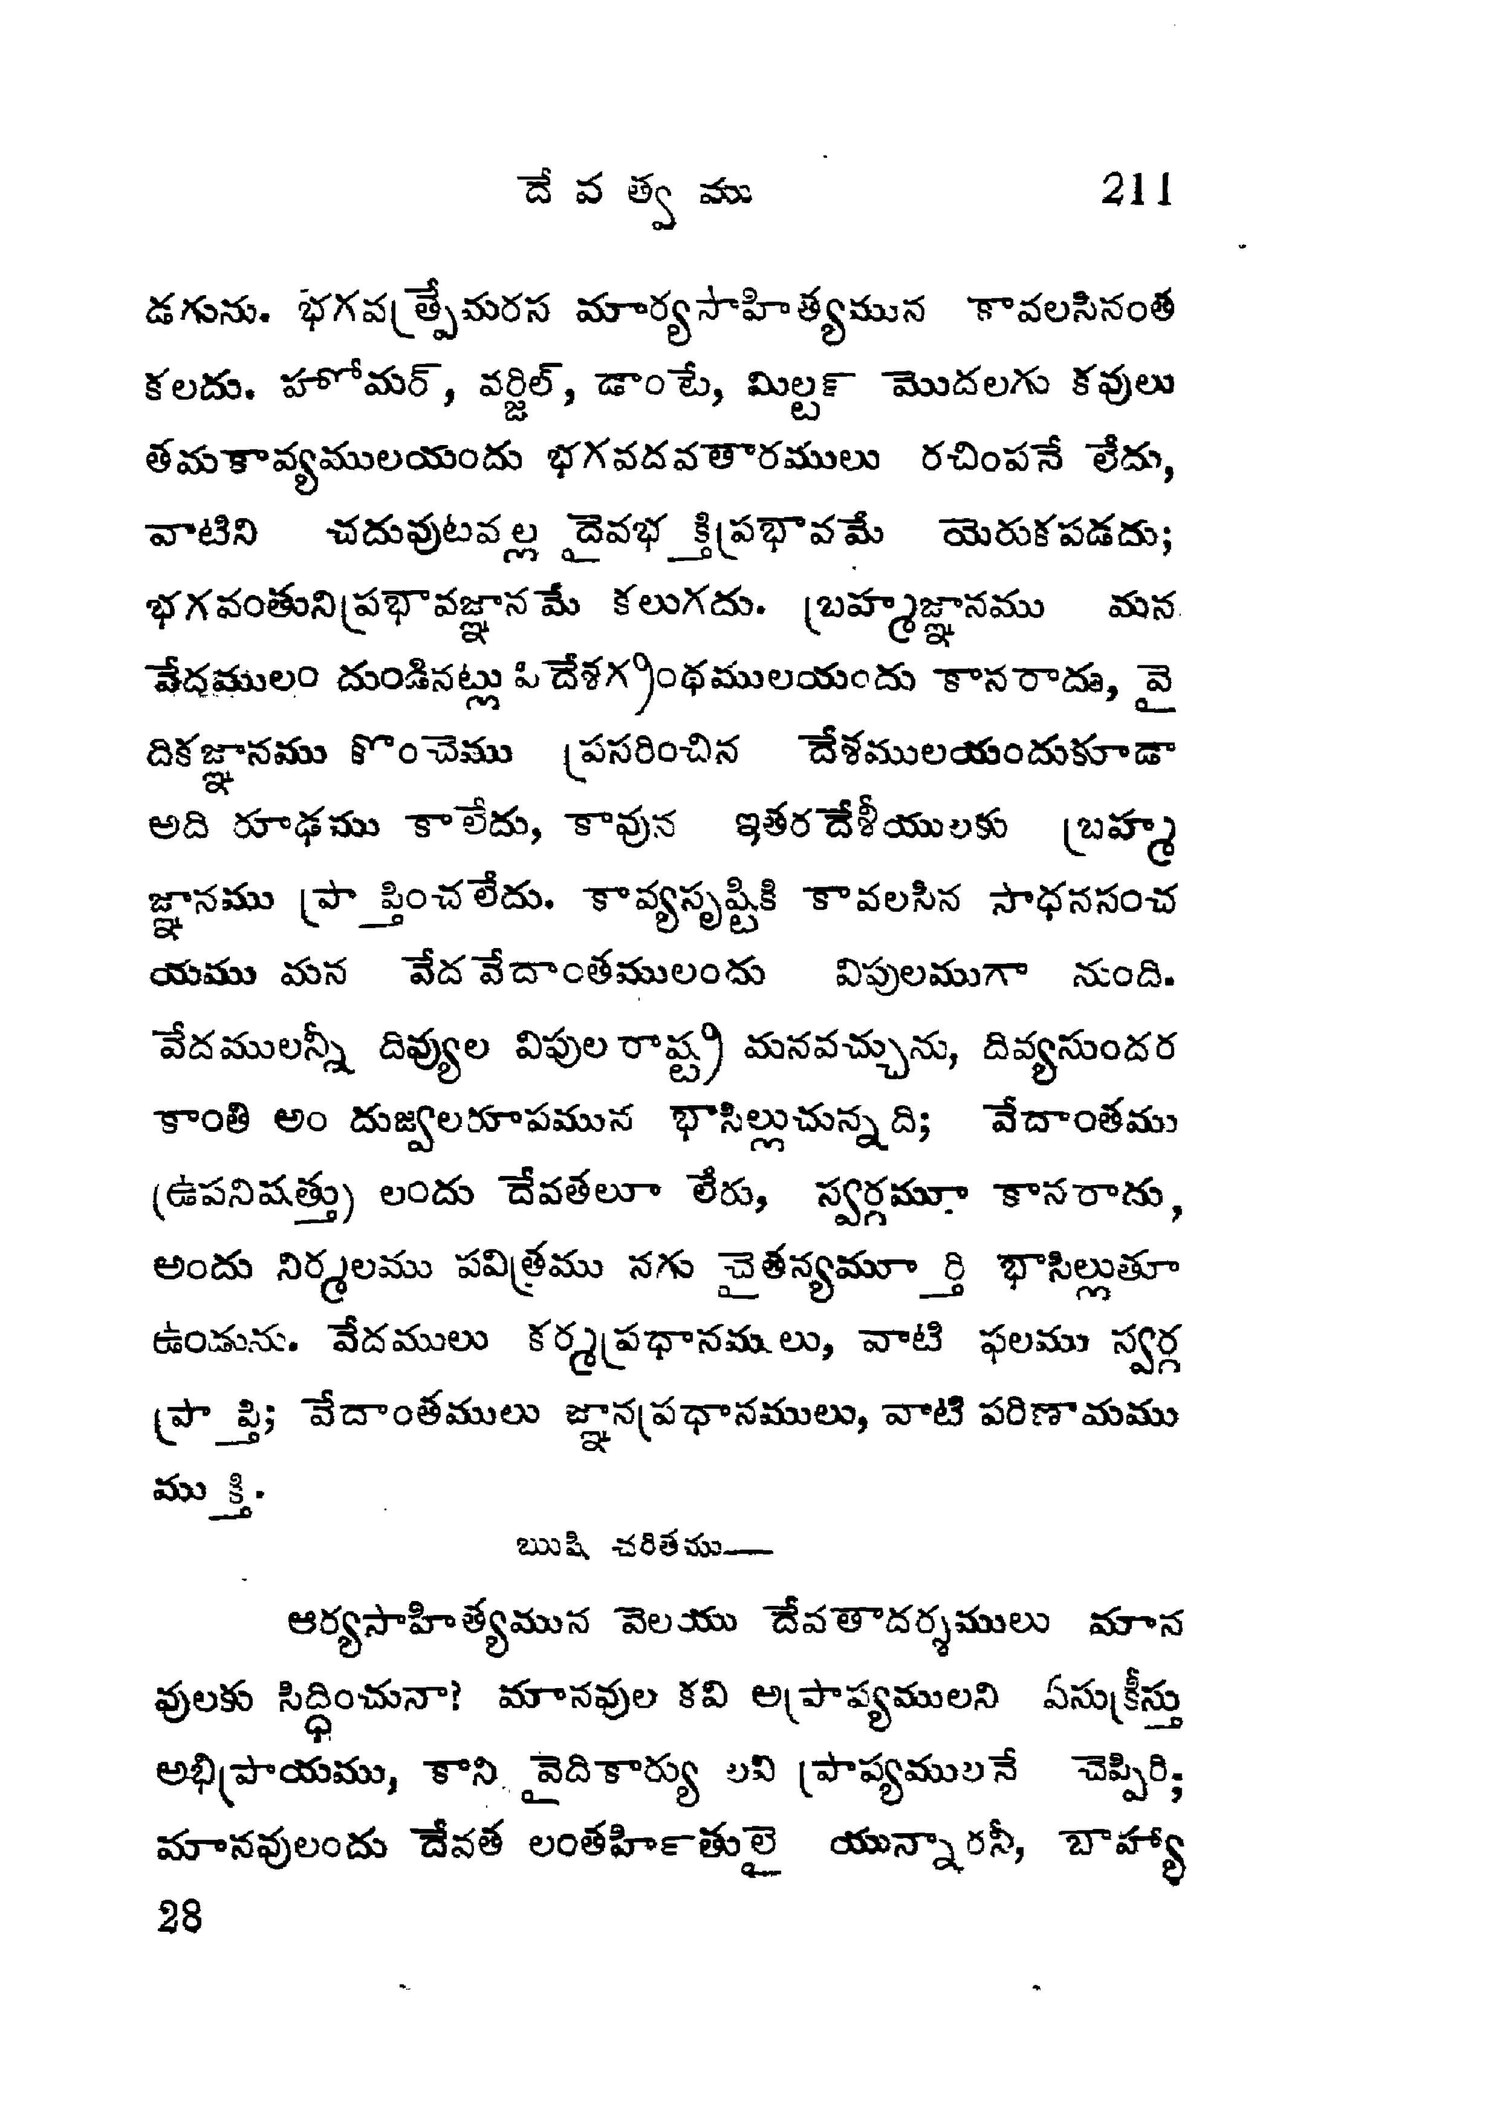డగును. భగవత్ప్రేమరస మార్యసాహిత్యమున కావలసినంత కలదు. హోమర్, వర్జిల్, డాంటే, మిల్టన్ మొదలగు కవులు తమకావ్యములయందు భగవదవతారములు రచింపనే లేదు, వాటిని చదువుటవల్ల దైవభక్తిప్రభావమే యెరుకపడదు; భగవంతునిప్రభావజ్ఞానమే కలుగదు. బ్రహ్మజ్ఞానము మన వేదములం దుండినట్లు విదేశగ్రంథములయందు కానరాదు, వైదికజ్ఞానము కొంచెము ప్రసరించిన దేశములయందుకూడా అది రూఢము కాలేదు, కావున ఇతరదేశీయులకు బ్రహ్మజ్ఞానము ప్రాప్తించలేదు. కావ్యసృష్టికి కావలసిన సాధనసంచయము మన వేద వేదాంతములందు విపులముగా నుంది. వేదములన్నీ దివ్యుల విపుల రాష్ట్ర మనవచ్చును, దివ్యసుందర కాంతి అం దుజ్వలరూపమున భాసిల్లుచున్నది; వేదాంతము (ఉపనిషత్తు) లందు దేవతలూ లేరు, స్వర్గమూ కానరాదు, అందు నిర్మలము పవిత్రము నగు చైతన్యమూర్తి భాసిల్లుతూ ఉండును. వేదములు కర్మప్రధానములు, వాటి ఫలము స్వర్గప్రాప్తి; వేదాంతములు జ్ఞానప్రధానములు, వాటి పరిణామము ముక్తి.

ఆర్యసాహిత్యమున వెలయు దేవతాదర్శములు మానవులకు సిద్ధించునా? మానవుల కవి అప్రాప్యములని ఏసుక్రీస్తు అభిప్రాయము, కాని వైదికార్యు లని ప్రాప్యములనే చెప్పిరి; మానవులందు దేవత లంతహిన్‌తులై యున్నారనీ, బాహ్యా